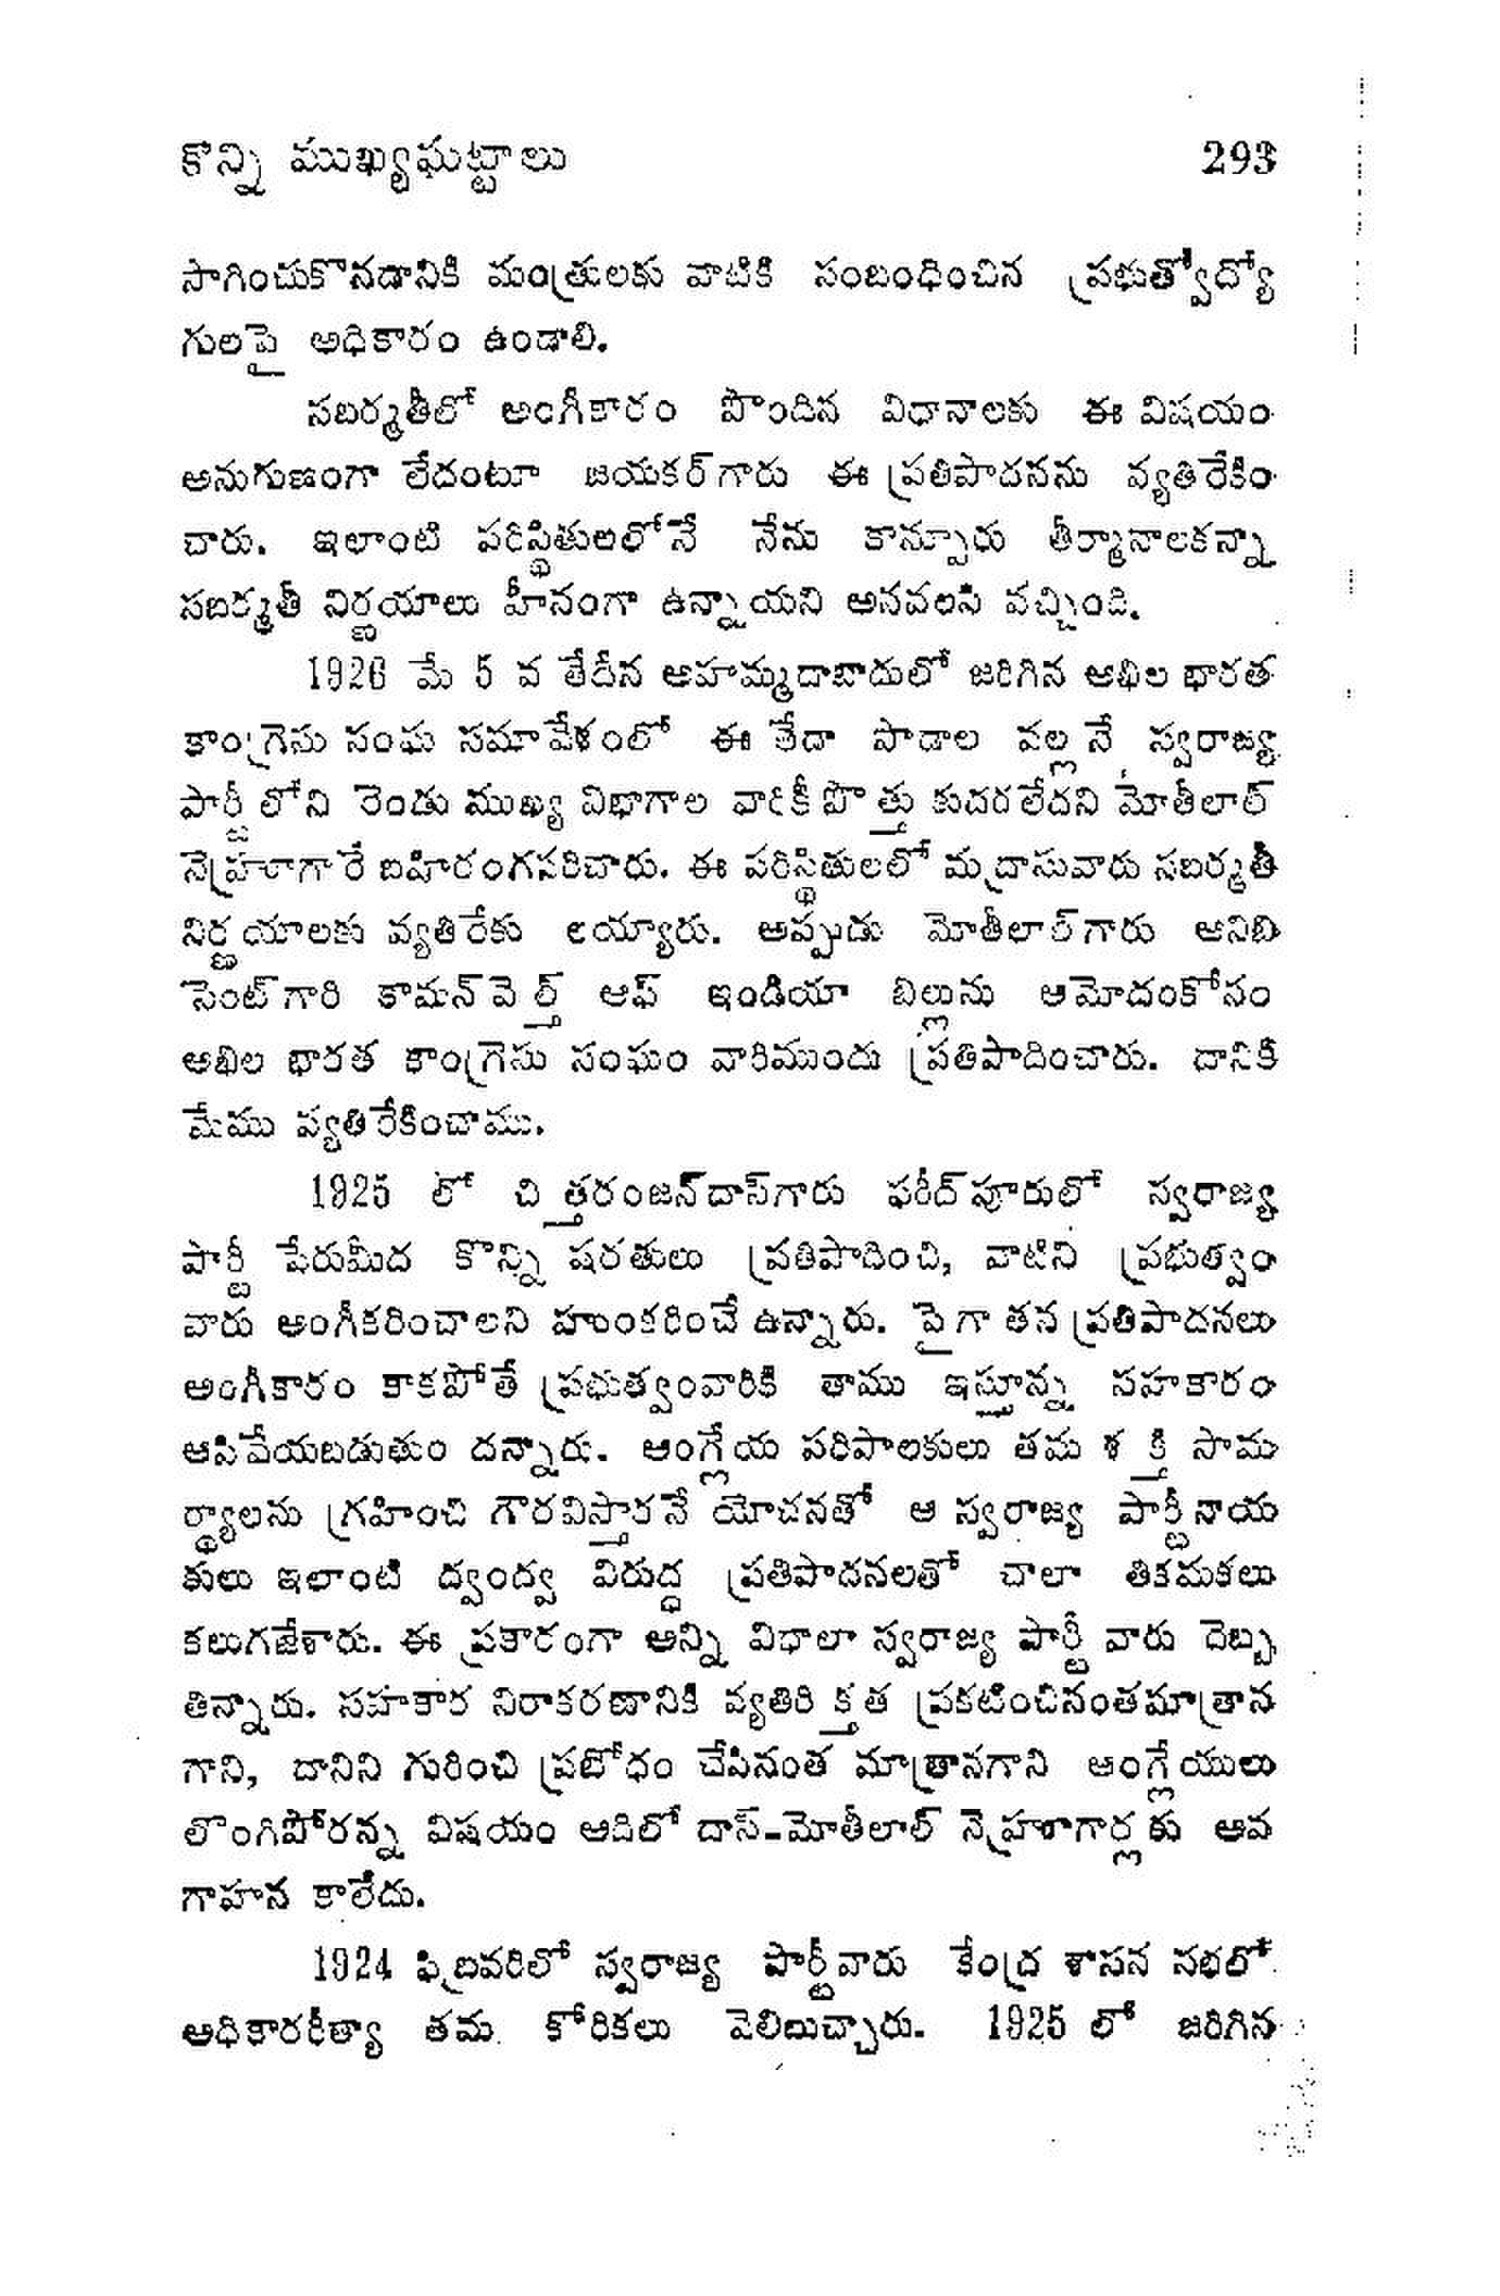సాగించుకొనడానికి మంత్రులకు వాటికి సంబంధించిన ప్రభుత్వోద్యోగులపై అధికారం ఉండాలి.

సబర్మతీలో అంగీకారం పొందిన విధానాలకు ఈ విషయం అనుగుణంగా లేదంటూ జయకర్‌గారు ఈ ప్రతిపాదనను వ్యతిరేకించారు. ఇలాంటి పరిస్థితులలోనే నేను కాన్పూరు తీర్మానాలకన్నా సబర్మతీ నిర్ణయాలు హీనంగా ఉన్నాయని అనవలసి వచ్చింది.

1926 మే 5 వ తేదీన అహమ్మదాబాదులో జరిగిన అఖిల భారత కాంగ్రెసు సంఘ సమావేశంలో ఈ తేడా పాడాల వల్లనే స్వరాజ్యపార్టీ లోని రెండు ముఖ్య విభాగాల వారికీ పొత్తు కుదరలేదనీ మోతిలాల్ నెహ్రూగారే బహిరంగపరిచారు. ఈ పరిస్థితులలో మద్రాసువారు సబర్మతీ నిర్ణయాలకు వ్యతిరేకు లయ్యారు. అప్పుడు మోతిలాల్‌గారు అనిబిసెంట్‌గారి కామన్‌వెల్త్ ఆఫ్ ఇండియా బిల్లును ఆమోదంకోసం అఖిల భారత కాంగ్రెసు సంఘం వారి ముందు ప్రతిపాదించారు. దానికి మేము వ్యతిరేకించాము.

1925 లో చిత్తరంజందాస్‌గారు ఫరీద్‌పూరులో స్వరాజ్యపార్టీ పేరుమీద కొన్ని షరతులు ప్రతిపాదించి, వాటిని ప్రభుత్వం వారు అంగీకరించాలని హుంకరించే ఉన్నారు. పైగా తన ప్రతిపాదనలు అంగీకారం కాకపోతే ప్రభుత్వంవారికి తాము ఇస్తూన్న సహకారం ఆపివేయబడుతుం దన్నారు. ఆంగ్లేయ పరిపాలకులు తమ శక్తి సామర్థ్యాలను గ్రహించి గౌరవిస్తారనే యోచనతో ఆ స్వరాజ్య పార్టీ నాయకులు ఇలాంటి ద్వంద్వ విరుద్ద ప్రతిపాదనలతో చాలా తికమకలు కలుగజేశారు. ఈ ప్రకారంగా అన్ని విధాల స్వరాజ్య పార్టీ వారు దెబ్బతిన్నారు. సహకార నిరాకరణానికి వ్యతిరిక్తత ప్రకటించినంతమాత్రానగాని, దానిని గురించి ప్రబోధం చేసినంత మాత్రానగాని ఆంగ్లేయులు లొంగిపోరన్న విషయం ఆదిలో దాస్-మోతిలాల్ నెహ్రూగార్లకు అవగాహన కాలేదు.

1924 పిబ్రవరిలో స్వరాజ్య పార్టీవారు కేంద్ర శాసన సభలో అధికారరీత్యా తమ కోరికలు వెలిబుచ్చారు. 1925 లో జరిగిన